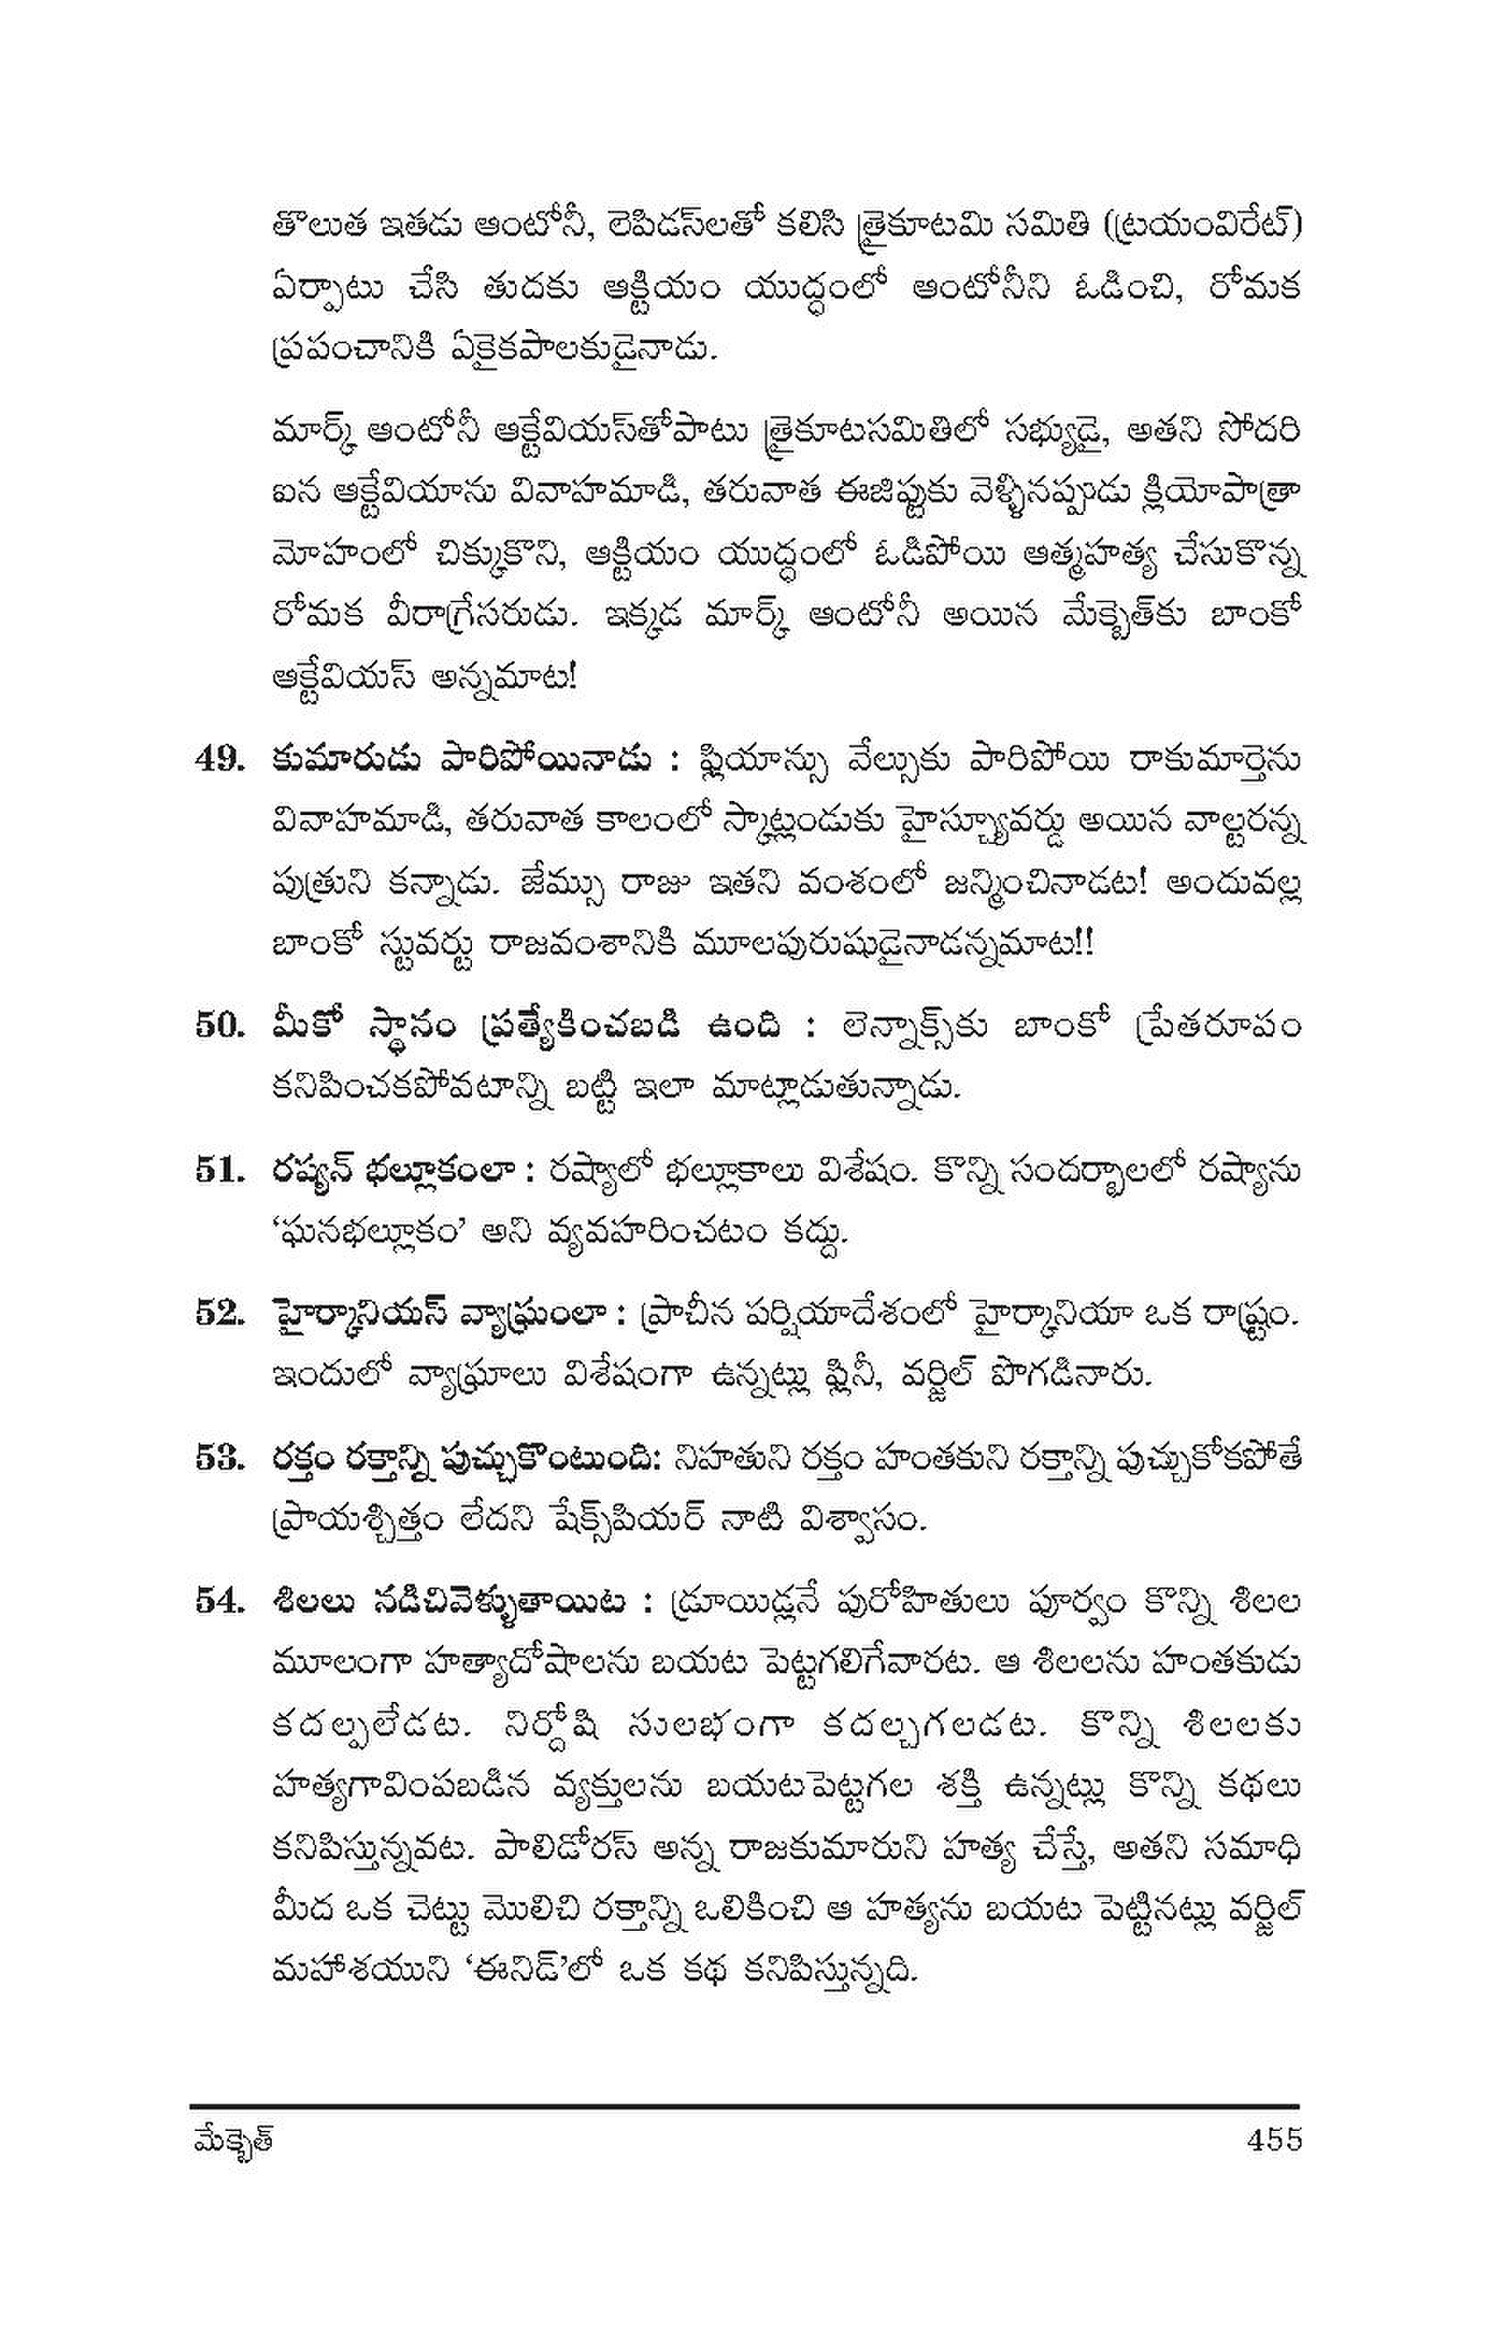తొలుత ఇతడు ఆంటోనీ, లెపిడన్లతో కలిసి త్రైకూటమి సమితి (ట్రయంవిరేట్)
ఏర్పాటు చేసి తుదకు ఆక్టియం యుద్ధంలో అంటోనీని ఓడించి, రోమక
ప్రపంచానికి ఏకైకపాలకుడైనాడు.
మార్క్ ఆంటోనీ ఆక్టేవియస్ తోపాటు త్రైకూటసమితిలో సభ్యుడై, అతని సోదరి
ఐన ఆక్టేవియాను వివాహమాడి, తరువాత ఈజిప్టుకు వెళ్ళినప్పుడు క్లియోపాత్రా
మోహంలో చిక్కుకొని, ఆక్టియం యుద్ధంలో ఓడిపోయి ఆత్మహత్య చేసుకొన్న
రోమక వీరాగ్రేసరుడు. ఇక్కడ మార్క్ ఆంటోనీ అయిన మేక్బెత్కు బాంకో
ఆక్టేవియస్ అన్నమాట! 

49. కుమారుడు పారిపోయినాడు : ఫ్లియాన్సు వేల్సుకు పారిపోయి రాకుమార్తెను
వివాహమాడి, తరువాత కాలంలో స్కాట్లండుకు హైస్చ్యూవర్డు అయిన వాల్టరన్న
పుత్రుని కన్నాడు. జేమ్సు రాజు ఇతని వంశంలో జన్మించినాడట! అందువల్ల
బాంకో స్టువర్టు రాజవంశానికి మూలపురుషుడైనాడన్నమాట!! 

50. మీకో స్థానం ప్రత్యేకించబడి ఉంది : లెన్నాక్కు బాంకో ప్రేతరూపం
కనిపించకపోవటాన్ని బట్టి ఇలా మాట్లాడుతున్నాడు.
51. రష్యన్ భల్లూకంలా : రష్యాలో భల్లూకాలు విశేషం. కొన్ని సందర్భాలలో రష్యాను
'ఘనభల్లూకం' అని వ్యవహరించటం కద్దు. 
52. హైరానియస్ వ్యాఘ్రంలా : ప్రాచీన పర్షియాదేశంలో హైరానియా ఒక రాష్ట్రం.
ఇందులో వ్యాఘ్రాలు విశేషంగా ఉన్నట్లు ప్లినీ, వర్జిల్ పొగడినారు.
53. రక్తం రక్తాన్ని పుచ్చుకొంటుంది: నిహతుని రక్తం హంతకుని రక్తాన్ని పుచ్చుకోకపోతే
ప్రాయశ్చిత్తం లేదని షేక్స్పియర్ నాటి విశ్వాసం.
54. శిలలు నడిచివెళ్ళుతాయిట: డ్రూయిడ్లనే పురోహితులు పూర్వం కొన్ని శిలల
మూలంగా హత్యాదోషాలను బయట పెట్టగలిగేవారట. ఆ శిలలను హంతకుడు
కదల్పలేడట. నిర్దోషి సులభంగా కదల్చగలడట. కొన్ని శిలలకు
హత్యగావింపబడిన వ్యక్తులను బయట పెట్టగల శక్తి ఉన్నట్లు కొన్ని కథలు
కనిపిస్తున్నవట. పాలిడోరస్ అన్న రాజకుమారుని హత్య చేస్తే, అతని సమాధి
మీద ఒక చెట్టు మొలిచి రక్తాన్ని ఒలికించి ఆ హత్యను బయట పెట్టినట్లు వర్జిల్
మహాశయుని 'ఈనిడ్' లో ఒక కథ కనిపిస్తున్నది.